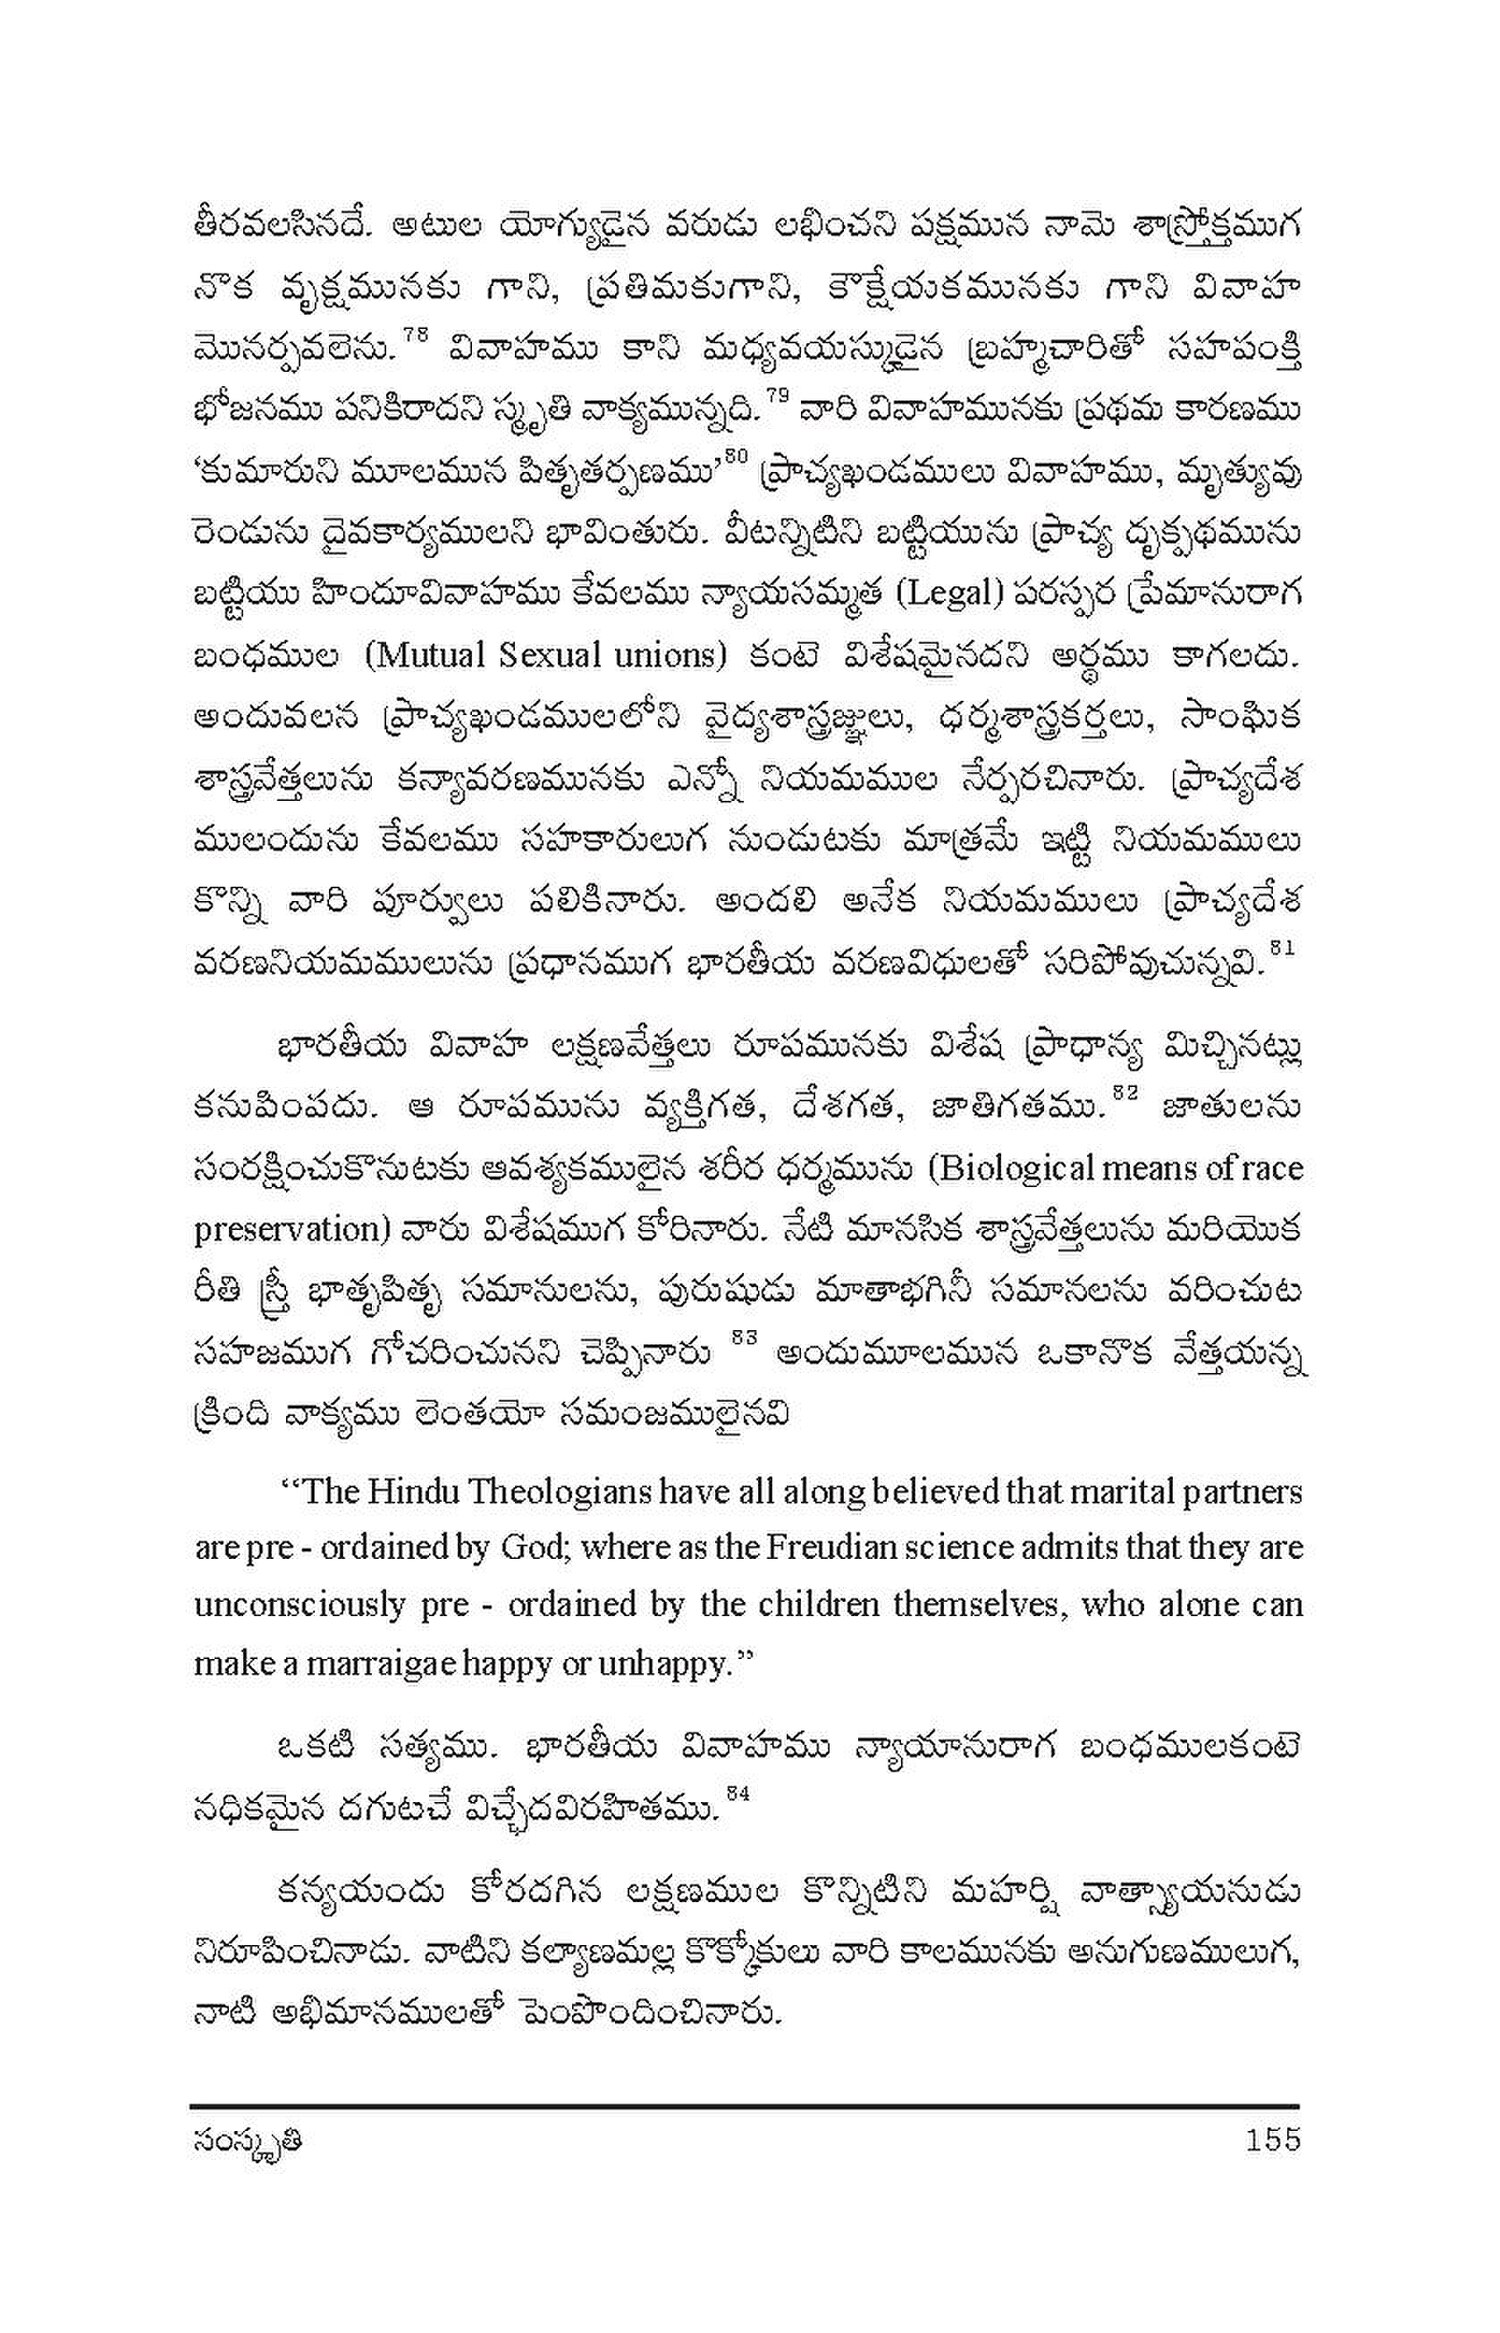తీరవలసినదే. అటుల యోగ్యుడైన వరుడు లభించని పక్షమున నామె శాస్త్రోక్తముగ
నొక వృక్షమునకు గాని, ప్రతిమకుగాని, కౌక్షేయకమునకు గాని వివాహ
మొనర్పవలెను. వివాహము కాని మధ్యవయస్కుడైన బ్రహ్మచారితో సహపంక్తి
భోజనము పనికిరాదని స్మృతి వాక్యమున్నది. వారి వివాహమునకు ప్రథమ కారణము
'కుమారుని మూలమున పితృతర్పణము' ప్రాచ్యఖండములు వివాహము, మృత్యువు
రెండును దైవకార్యములని భావింతురు. వీటన్నిటిని బట్టియును ప్రాచ్య దృక్పథమును
బట్టియు హిందూవివాహము కేవలము న్యాయసమ్మత (Legal) పరస్పర ప్రేమానురాగ
బంధముల (Mutual Sexual unions) కంటే విశేషమైనదని అర్థము కాగలదు.
అందువలన ప్రాచ్యఖండములలోని వైద్యశాస్త్రజ్ఞులు, ధర్మశాస్త్రకర్తలు, సాంఘిక
శాస్త్రవేత్తలును కన్యావరణమునకు ఎన్నో నియమముల నేర్పరచినారు. ప్రాచ్యదేశ
ములందును కేవలము సహకారులుగ నుండుటకు మాత్రమే ఇట్టి నియమములు
కొన్ని వారి పూర్వులు పలికినారు. అందలి అనేక నియమములు ప్రాచ్యదేశ
వరణనియమములును ప్రధానముగ భారతీయ వరణవిధులతో సరిపోవుచున్నవి. 

భారతీయ వివాహ లక్షణవేత్తలు రూపమునకు విశేష ప్రాధాన్య మిచ్చినట్లు
కనుపింపదు. ఆ రూపమును వ్యక్తిగత, దేశగత, జాతిగతము. జాతులను
సంరక్షించుకొనుటకు ఆవశ్యకములైన శరీర ధర్మమును (Biological means of race
preservation) వారు విశేషముగ కోరినారు. నేటి మానసిక శాస్త్రవేత్తలును మరియొక
రీతి స్త్రీ భాతృపితృ సమానులను, పురుషుడు మాతాభగినీ సమానలను వరించుట
సహజముగ గోచరించునని చెప్పినారు అందుమూలమున ఒకానొక వేత్తయన్న
క్రింది వాక్యము లెంతయో సమంజములైనవి

“The Hindu Theologians have all along believed that marital partners
are pre - ordained by God; where as the Freudian science admits that they are
unconsciously pre - ordained by the children themselves, who alone can
make a marraigae happy or unhappy."

ఒకటి సత్యము. భారతీయ వివాహము న్యాయానురాగ బంధములకంటె
నధికమైన దగుటచే విచ్ఛేదవిరహితము. 

కన్యయందు కోరదగిన లక్షణములు కొన్నిటిని మహర్షి వాత్స్యాయనుడు
నిరూపించినాడు. వాటిని కల్యాణమల్ల కొక్కోకులు వారి కాలమునకు అనుగుణములుగ,
నాటి అభిమానములతో పెంపొందించినారు.